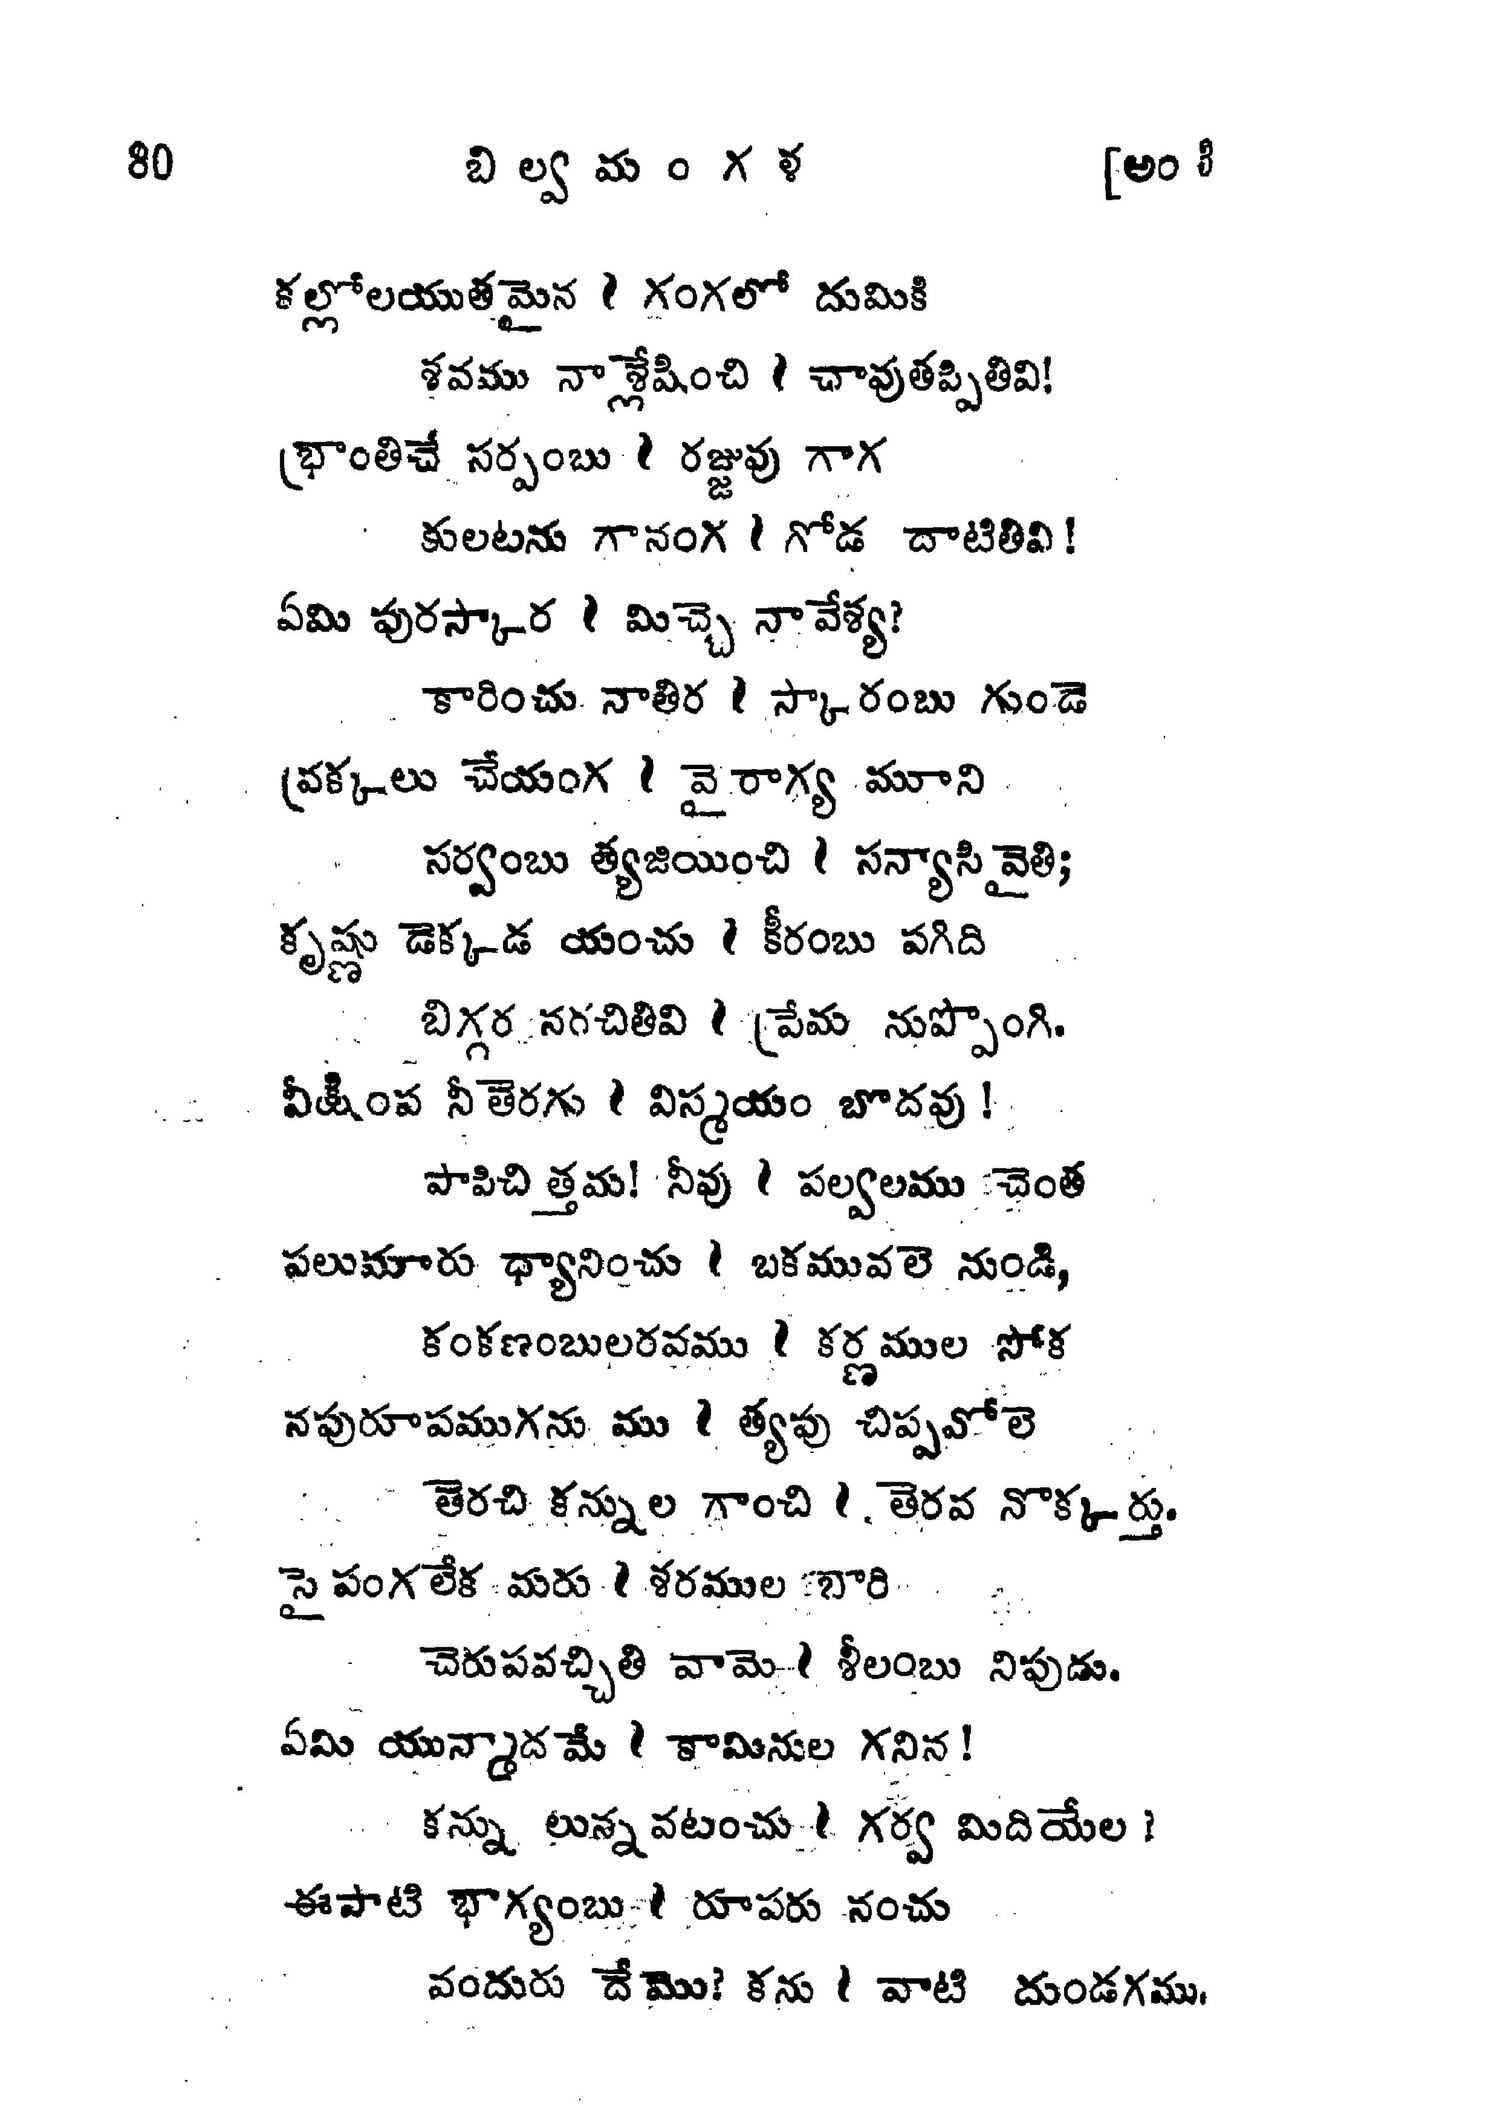కల్లోలయుతమైన ♦ గంగలో దుమికి
 శవము నాశ్లేషించి ♦ చావుతప్పితివి!
 భ్రాంతిచే సర్పంబు ♦ రజ్జువు గాగ
 కులటను గానంగ ♦ గోడ దాటితివి!
 ఏమిపురస్కార ♦ మిచ్చె నావేశ్య?
 కారించు నాతిర ♦ స్కారంబు గుండె
 వ్రక్కలు చేయంగ ♦ వైరాగ్య మూని
 సర్వంబు త్యజియించి ♦ సన్యాసివైతి;
 కృష్ణు డెక్కడ యంచు ♦ కీరంబు పగిది
 బిగ్గర నరచితివి ♦ ప్రేమ నుప్పొంగి.
 వీక్షింప నీతెరగు ♦ విస్మయం బొదవు!
 పాపిచిత్తమ! నీవు ♦ పల్వలము చెంత
 పలుమారు ధ్యానించు ♦ బకమువలె నుండి,
 కంకణంబులరవము ♦ కర్ణముల సోక
 నపురూపముగను ము ♦ త్యపు చిప్పవోలె
 తెరచి కన్నుల గాంచి ♦ తెరవ నొక్కర్తు.
 సై పంగలేక మరు ♦ శరముల బారి
 చెరుపవచ్చితి వామె ♦ శీలంబు నిపుడు.
 ఏమి యున్మాదమే ♦ కామినుల గనిన!
 కన్ను లున్నవటంచు ♦ గర్వ మిదియేల?
 ఈపాటి భాగ్యంబు ♦ రూపరు నంచు
 వందురు దేమొ? కను ♦ వాటి దుండగము.